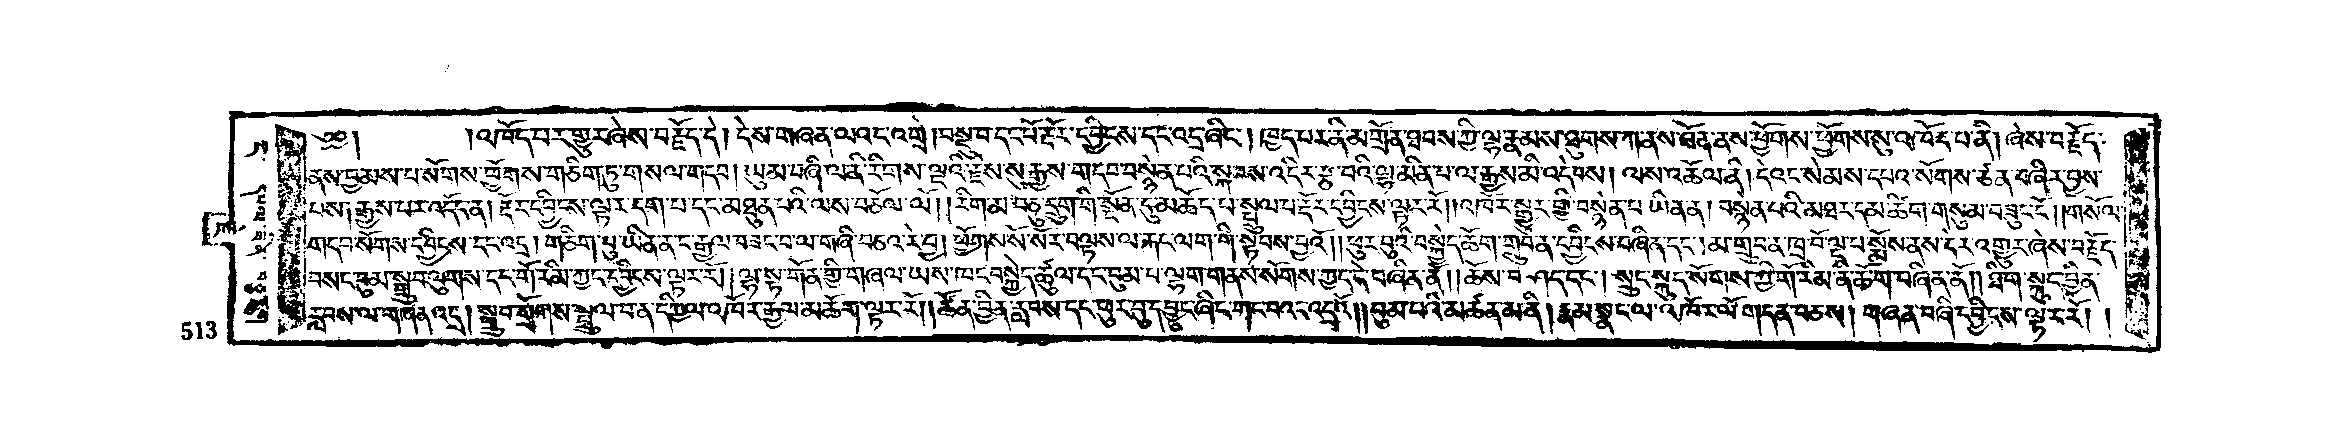༄༅། །འཁོད་པར་གྱུར་ཞེས་བརྗོད་དེ། དེས་གཞན་ལའང་འགྲེ། བསྡུ་བ་དང་པོ་རྡོར་དབྱིངས་དང་འདྲ་ཞིང་། ཁྱད་པར་ནི་མགྲོན་ཐབས་ཀྱི་ལྷ་རྣམས་ཐུགས་ཀ་ནས་ཐོན་ནས་ཕྱོགས་ཕྱོགས་སུ་འཁོད་པ་ནི། ཞེས་བརྗོད་
ནས་བྱམས་པ་སོགས་ཕྱོགས་གཅིག་ཏུ་གསལ་གདབ། ཡུམ་བཞི་ལ་ནི་རིགས་ལྔའི་རྗེས་སུ་རྒྱས་གདབ་བསྙེན་པའི་སྐབས་འདིར་རྩ་བའི་ལྷ་མིན་པ་ལ་རྒྱས་མི་འདེབས། ལས་འཆོལ་ནི། དེའང་སེམས་དཔའ་སོགས་ཙན་བཞིར་བྱས་
པས། རྒྱས་པར་འདོད་ན། རྡོར་དབྱིངས་ལྟར་དག་པ་དང་མཐུན་པའི་ལས་བཅོལ་ལོ། །རིག་མ་བཅུ་དྲུག་གི་སྔོན་དུ་མཆོད་པ་སྤྲུལ་པ་རྡོར་དབྱིངས་ལྟར་རོ། །འཁོར་སྒྱུར་གྱི་བསྙེན་པ་ཡིན་ན། བསྙེན་པའི་མཐར་དམ་ཚིག་གསུམ་བཟུང་ངོ། །གསོལ་
གདབ་སོགས་དབྱིངས་དང་འདྲ། གཅིག་པུ་ཡིན་ན་ང་རྒྱལ་བཟང་བ་ལ་བཞི་བཅའ་རེ་བྱ། ཕྱོགས་སོ་སོར་བལྟས་ལ་རྐང་ལག་གི་སྟབས་བྱའོ། །ཕུར་བུའི་བསྐྱེད་ཆོག་གྲུབ་ན་དབྱིངས་བཞིན་དང་། མ་གྲུབ་ན་ཁྲ་བོ་ལྔ་པ་སྨོས་ནས་དེར་འགྱུར་ཞེས་བརྗོད་
བསང་བུམ་སྒྲུབ་ལུགས་དང་གོ་རིམ་ཀྱང་དབྱིངས་ལྟར་རོ། །ལྷ་སྟ་གོན་གྱི་གཞལ་ཡས་ཁང་བསྐྱེད་ཚུལ་དང་བུམ་པ་ལྷག་གནས་སོགས་ཀྱང་དེ་བཞིན་ནོ། །ཆོས་བཤད་དང་། སྲུང་སྐུད་སོགས་ཀྱི་གོ་རིམ་ནི་ཆོ་ག་བཞིན་ནོ། །ཐིག་སྐུད་བྱིན་
རླབས་ལ་གཞན་འདྲ། སྒྲུབ་གྲོགས་སྤྲུལ་པ་ན་དཀྱིལ་འཁོར་རྒྱལ་མཆོག་ལྟར་རོ། །ཚོན་བྱིན་རླབས་དང་ཕུར་བུ་དབྱུང་ཞིང་གང་བའང་འདྲའོ། །བུམ་པའི་མཚན་མ་ནི། རྣམ་སྣང་ལ་འཁོར་ལོ་གདན་བཅས། གཞན་བཞི་དབྱིངས་ལྟར་རོ། །